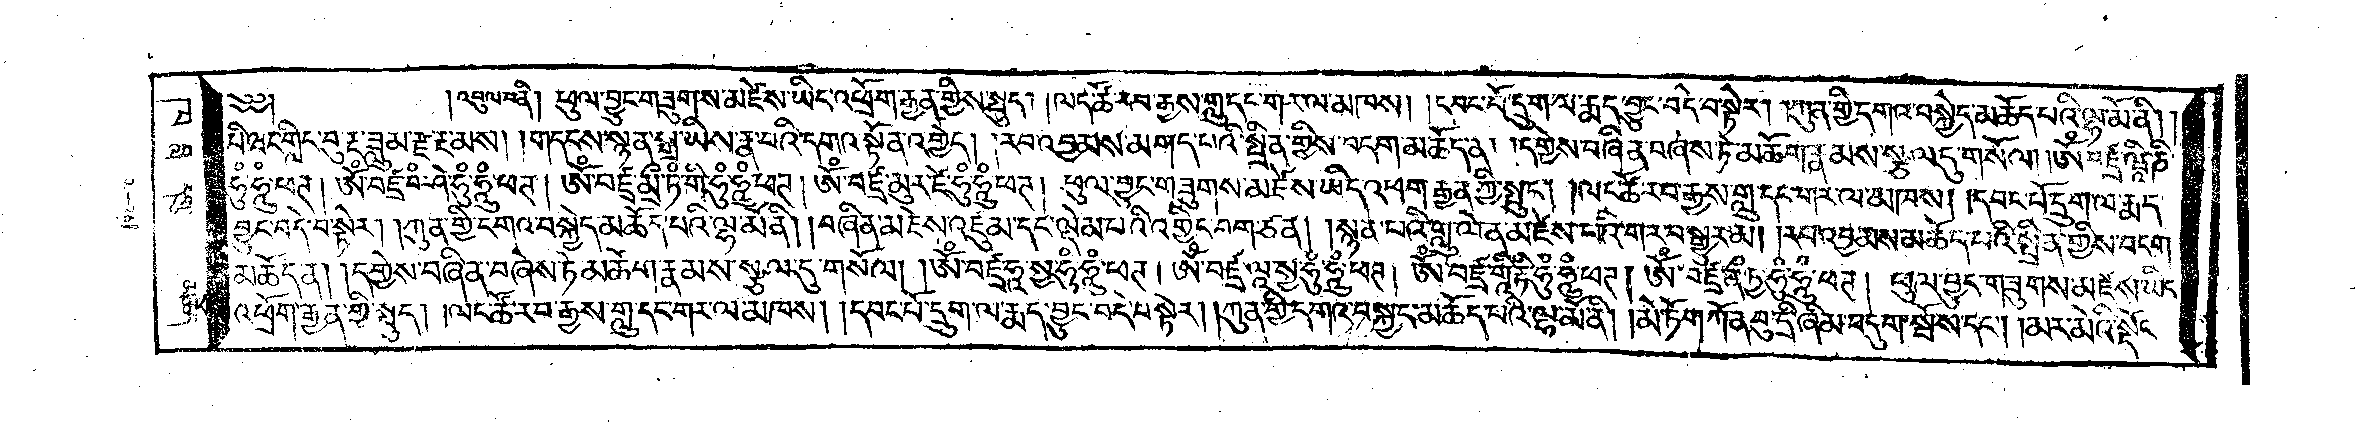༄༅། །འབུལ་བ་ནི། ཕུལ་བྱུང་གཟུགས་མཛེས་ཡིད་འཕྲོག་རྒྱན་གྱིས་སྤུད། །ལད་ཚོ་རབ་རྒྱས་གླུ་དང་གར་ལ་མཁས། །དབང་པོ་དྲུག་ལ་རྨད་བྱུང་བདེ་བ་སྟེར། །ཀུན་གྱི་དགའ་བསྐྱེད་མཆོད་པའི་ལྷ་མོ་ནི། །
པི་ཝང་གླིང་བུ་རྡ་ཟླུམ་རྫ་རྔ་མས། །གདངས་སྙན་སྒྲ་ཡིས་རྣ་བའི་དགའ་སྟོན་འགྱེད། །རབ་འབྱམས་མགད་པའི་སྤྲིན་གྱིས་བདག་མཆོད་ན། །དགྱེས་བཞིན་བཞས་ཏེ་མཆོག་རྣམས་སྩལ་དུ་གསོལ། །ཨོཾ་བཛྲ་ཝཱི་ཎི་
ཧུཾ་ཧཱུཾ་ཕཊ། ཨོཾ་བཛྲ་བཾ་ཤེ་ཧུཾ་ཧཱུཾ་ཕཊ། ཨོཾ་བཛྲ་མྲྀ་ཏཾ་གི་ཧུཾ་ཧཱུཾ་ཕཊ། ཨོཾ་བཛྲ་མུར་རྫེ་ཧུཾ་ཧཱུཾ་ཕཊ། ཕུལ་བྱུང་གཟུགས་མཛེས་ཡིད་འཕག་རྒྱན་གྱི་སྤུང་། །ལང་ཚོ་རབ་རྒྱས་གླུ་དང་གར་ལ་མཁས། །དབང་པོ་དྲུག་ལ་རྨད་
བྱུང་བདེ་བ་སྟེར། །ཀུན་གྱི་དགའ་བསྐྱེད་མཆོད་པའི་ལྷ་མོ་ནི། །བཞིན་མཛེས་འཛུམ་དང་ལྡེམ་པའི་འགྱིང་བག་ཙན། །སྙན་པའི་གླུ་ལེན་མཛེས་པའི་གར་བསྒྱུར་མ། །རབ་འབྱམས་མཆོད་པའི་སྤྲིན་གྱིས་བདག་
མཆོད་ན། །དགྱེས་བཞིན་བཞེས་ཏེ་མཆོག་རྣམས་སྩལ་དུ་གསོལ། །ཨོཾ་བཛྲ་ཧཱ་སྱ་ཧུཾ་ཧཱུཾ་ཕཊ། ཨོཾ་བཛྲ་ལཱ་སྱ་ཧུཾ་ཧཱུཾ་ཕཊ། ཨོཾ་བཛྲ་གཱི་རྟི་ཧུཾ་ཧཱུཾ་ཕཊ། ཨོཾ་བཛྲ་ནྀ་ཏྱ་ཧུཾ་ཧཱུཾ་ཕཊ། ཕུལ་བྱུང་གཟུགས་མཛེས་ཡིད་
འཕྲོག་རྒྱན་གྱི་སྤུད། །ལང་ཚོ་རབ་རྒྱས་གླུ་དང་གར་ལ་མཁས། །དབང་པོ་དྲུག་ལ་རྨད་བྱུང་བདེ་པ་སྟེར། །ཀུན་གྱི་དགའ་བསྐྱང་མཆོད་པའི་ལྷ་མོ་ནི། །མེ་ཏོག་ཀོན་བུ་དྲི་ཞིམ་བདུག་སྤོས་དང་། །མར་མེའི་སྡོང་